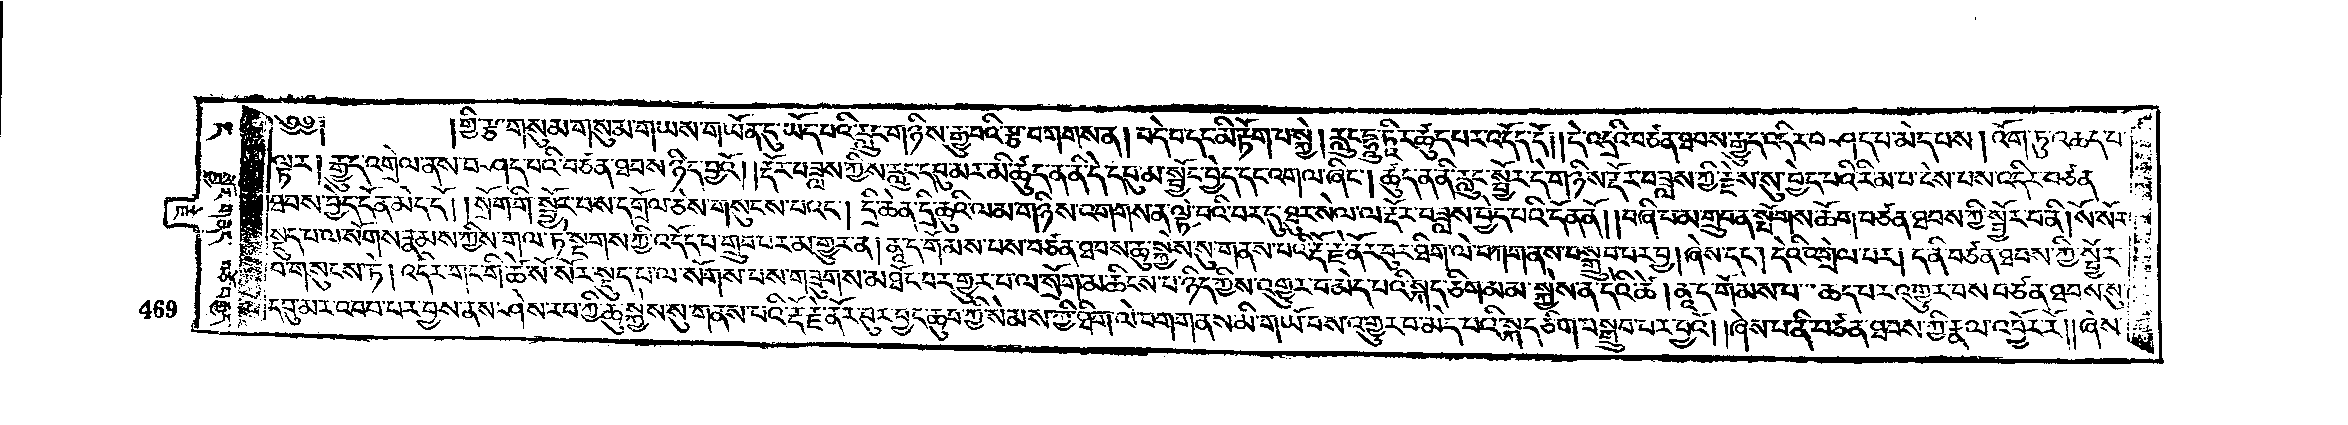༄༅། །གྱི་རྩ་གསུམ་གསུམ་གཡས་གཡོན་དུ་ཡོད་པའི་རླུང་གཉིས་རྒྱུ་བའི་རྩ་བགགས་ན། བདེ་བ་དང་མི་རྟོག་པ་སྐྱེ། རླུང་དྷཱུ་ཏཱིར་ཚུད་པར་འདོད་དོ། །དེ་འདྲའི་བཙན་ཐབས་རྒྱུད་འདིར་བཤད་པ་མེད་པས། འོག་ཏུ་འཆད་པ་
ལྟར། རྒྱུད་འགྲེལ་ནས་བཤད་པའི་བཙན་ཐབས་ཉིད་བྱའོ། །རྡོར་བཟླས་ཀྱིས་རླུང་དབུ་མར་མི་ཚུད་ན་ནི་དེ་དབུ་མ་སྦྱོང་བྱེད་དང་འགལ་ཞིང་། ཚུད་ན་ནི་རླུང་སྦྱོར་དེ་གཉིས་རྡོར་བཟླས་ཀྱི་རྗེས་སུ་བྱེད་པའི་རིམ་པ་ངེས་པས་འདིར་བཙན་
ཐབས་བྱེད་དོན་མེད་དོ། །སྲོག་གི་སྦྱོར་བས་དགྲོལ་ཅེས་གསུངས་པའང་། དྲི་ཆེན་དྲི་ཆུའི་ལམ་གཉིས་འགགས་ན་ལྟེ་བའི་བར་དུ་ཐུར་སེལ་ལ་རྡོར་བཟླས་བྱེད་པའི་དོན་ནོ། །བཞི་པ་མ་གྲུབ་ན་སྤོགས་ཆོག་བཙན་ཐབས་ཀྱི་སྦྱོར་བ་ནི། སོ་སོར་
སྡུད་པ་ལ་སོགས་རྣམས་ཀྱིས་གལ་ཏེ་སྔགས་ཀྱི་འདོད་པ་གྲུབ་པར་མ་གྱུར་ན། ནཱ་ད་གོམས་པས་བཙན་ཐབས་ཆུ་སྐྱེས་སུ་གནས་པའི་རྡོ་རྗེ་ནོར་བུར་ཐིག་ལེ་བཀག་ནས་བསྒྲུབ་པར་བྱ། ཞེས་དང་། དེའི་འགྲེལ་པར། ད་ནི་བཙན་ཐབས་ཀྱི་སྦྱོར་
བ་གསུངས་ཏེ། འདིར་གང་གི་ཚེ་སོ་སོར་སྡུད་པ་ལ་སོགས་པས་གཟུགས་མཐོང་བར་གྱུར་པ་ལ་སྲོག་མ་ཆིངས་པ་ཉིད་ཀྱིས་འགྱུར་བ་མེད་པའི་སྐད་ཅིག་མ་མ་སྐྱེས་ན་དེའི་ཚེ། ནཱ་ད་གོམས་པ་ཆད་པར་འགྱུར་པས་བཙན་ཐབས་སུ་
དབུ་མར་འབབ་པར་བྱས་ནས་ཤེས་རབ་ཀྱི་ཆུ་སྐྱེས་སུ་གནས་པའི་རྡོ་རྗེ་ནོར་བུར་བྱང་ཆུབ་ཀྱི་སེམས་ཀྱི་ཐིག་ལེ་བགག་ནས་མི་གཡོ་བས་འགྱུར་བ་མེད་པའི་སྐད་ཅིག་བསྒྲུབ་པར་བྱའོ། །ཞེས་པ་ནི་བཙན་ཐབས་ཀྱི་རྣལ་འབྱོར་རོ། །ཞེས་